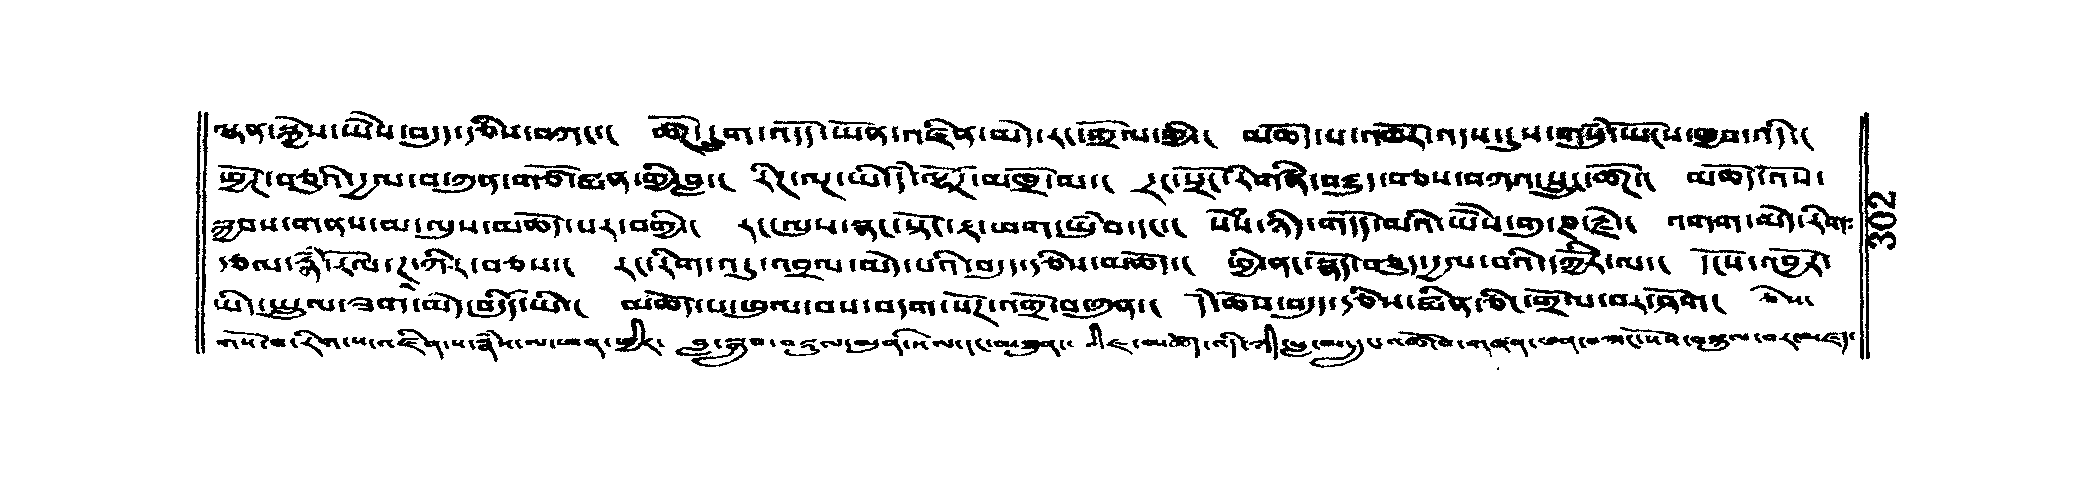ལྷན་སྐྱེས་ཡེ་ཤེས་བདུད་རྩིས་བཀང་། །ཚོགས་དྲུག་འདོད་ཡོན་འཛིན་མེད་རང་གྲོལ་གྱི། །མཆོད་པ་འཁོར་འདས་དུས་གསུམ་ཡོངས་ཁྱབ་འདི། །
ཕྱོགས་བཅུའི་རྒྱལ་བ་ཀུན་གཙོ་སྨན་གྱི་བླ། །རིགས་ལྔ་ཡི་དམ་ལྷ་ཚོགས་མཁའ་འགྲོ་མ། །དྲང་སྲོང་རིག་འཛིན་བརྒྱུད་བཅས་བཀའ་སྲུང་ཚོགས། །མཆོད་འོས་
སྐྱབས་གནས་མ་ལུས་མཆོད་པར་བགྱི། །རང་ལུས་སྣང་སྟོང་རྟ་ཕག་ཡབ་ཡུམ་དང་། །སེམས་ཉིད་གདོད་མའི་ཡེ་ཤེས་གུ་ཎ་རྗེ། །འགག་མེད་རིག་
རྩལ་རྣམ་རོལ་ཌཱ་ཀིར་བཅས། །རང་རིག་འདུ་འབྲལ་མེད་པའི་བདུད་རྩིས་མཆོད། །ཕྱི་ནང་སྣོད་བཅུད་རྒྱལ་བའི་དཀྱིལ་འཁོར་ལ། །དངོས་འབྱོར་
ཡིད་སྤྲུལ་ཟག་མེད་བདུད་རྩི་ཡི། །མཆོད་པ་ཕུལ་བས་བདག་སོགས་འགྲོ་བ་ཀུན། །དམ་ཆོས་བདུད་རྩིས་སྨིན་ཅིང་གྲོལ་བར་ཤོག ཅེས་
གསོ་བ་རིག་པ་འཛིན་པ་རྣམས་ལ་ཕན་ཕྱིར་བླ་སྒྲུབ་སྡུག་བསྔལ་མུན་སེལ་དང་མཐུན་པའི་ཇ་མཆོད་འདི་ཉིད་བླ་མ་དྲུང་འཚོ་བ་གཞན་ཕན་བཟང་པོས་བསྐུལ་བ་མཛད་